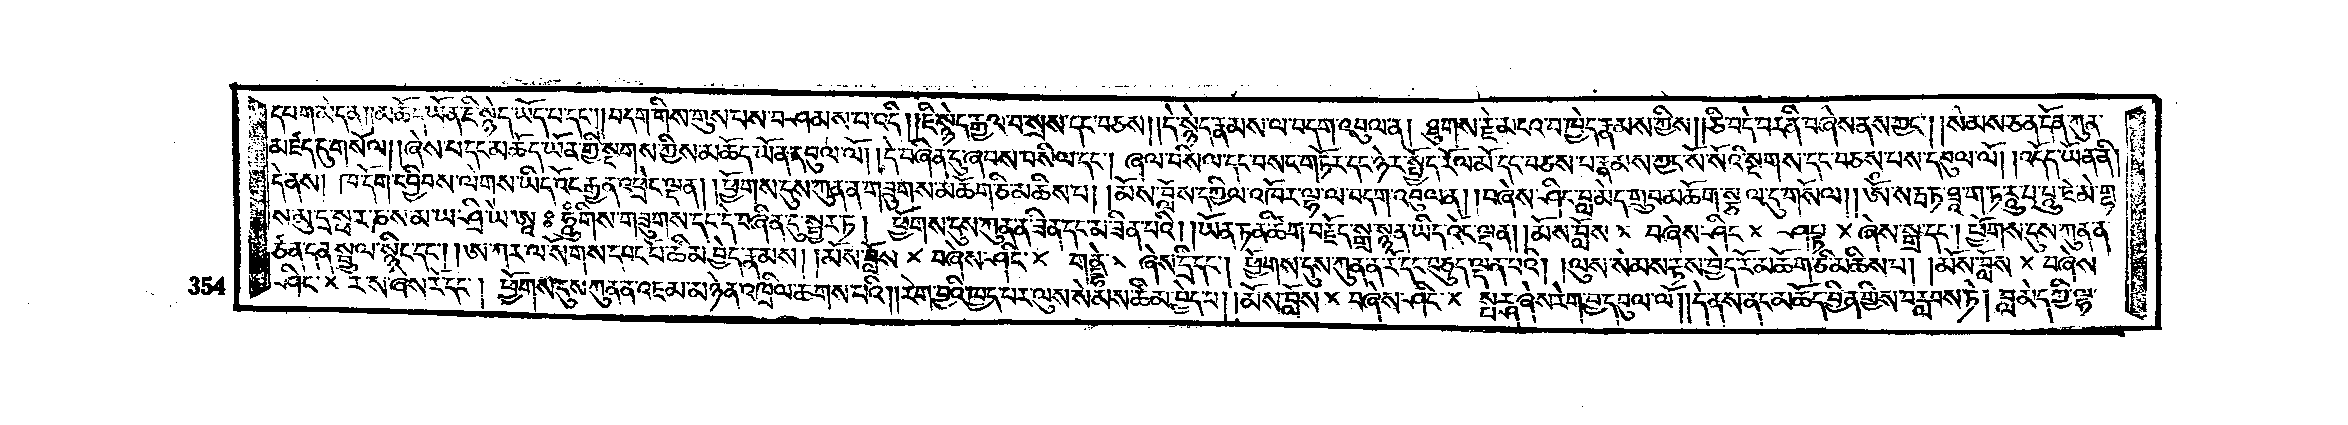དཔག་མེད་ན། །མཆོད་ཡོན་ཇི་སྙེད་ཡོད་པ་དང་། །བདག་གིས་གུས་པས་བཤམས་པ་འདི། །ཇི་སྙེད་རྒྱལ་བ་སྲས་དང་བཅས། །དེ་སྙེད་རྣམས་ལ་བདག་འབུལ་ན། ཐུགས་རྗེ་མངའ་བ་ཁྱེད་རྣམས་ཀྱིས། །ཅི་བདེ་བར་ནི་བཞེས་ནས་ཀྱང་། །སེམས་ཅན་དོན་ཀུན་
མཛད་དུ་གསོལ། །ཞེས་པ་དང་མཆོད་ཡོན་གྱི་སྔགས་ཀྱིས་མཆོད་ཡོན་དབུལ་ལོ། །དེ་བཞིན་དུ་ཞབས་བསིལ་དང་། ཞལ་བསིལ་དང་བསང་གཏོར་དང་ཉེར་སྤྱོད་རོལ་མོ་དང་བཅས་པ་རྣམས་ཀྱང་སོ་སོའི་སྔགས་དང་བཅས་པས་དབུལ་ལོ། །འདོད་ཡོན་ནི།
དེ་ནས། ཁ་དོག་དབྱིབས་ལེགས་ཡིད་འོང་རྒྱན་འཕྲེང་ལྡན། །ཕྱོགས་དུས་ཀུན་ན་གཟུགས་མཆོག་ཅི་མཆིས་པ། །མོས་བློས་དཀྱིལ་འཁོར་ལྷ་ལ་བདག་འབུལ་ན། །བཞེས་ཤིང་བླ་མེད་གྲུབ་མཆོག་སྩལ་དུ་གསོལ། །ཨོཾ་སརྦ་ཏ་ཐཱ་ག་ཏ་རཱུ་པ་པཱུ་ཛ་མེ་གྷ་
ས་མུ་དྲ་སྥ་ར་ཎ་ས་མ་ཡ་ཤྲི་ཡེ་ཨཱཿ ཧཱུཾ་གིས་གཟུགས་དང་དེ་བཞིན་དུ་སྦྱར་ཏེ། ཕྱོགས་དུས་ཀུན་ན་ཟིན་དང་མ་ཟིན་པའི། །ཡོན་ཏན་ཚིག་བརྗོད་སྒྲ་སྙན་ཡིད་འོང་ལྡན། །མོས་བློས་྾་བཞེས་ཤིང་྾་ཤཔྟ་྾་ཞེས་སྒྲ་དང་། ཕྱོགས་དུས་ཀུན་ན་
ཙན་དན་སྦྲུལ་སྙིང་དང་། །ཨ་ཀར་ལ་སོགས་དབང་པོ་ཚིམ་བྱེད་རྣམས། །མོས་ཟློས་྾་བཞེས་ཤིང་྾་གནྡྷེ་྾་ཞེས་དྲི་དང་། ཕྱོགས་དུས་ཀུན་ན་རོ་དང་བཅུད་ལྡན་པའི། །ལུས་སེམས་རྟས་བྱེད་རོ་མཆོག་ཅི་མཆིས་པ། །མོས་བློས་྾་བཞེས་
ཤིང་྾་ར་ས་ཞེས་རོ་དང་། ཕྱོགས་དུས་ཀུན་ན་འཇམ་མཉེན་འཁྲིལ་ཆགས་པའི། །རེག་བྱའི་ཁྱད་པར་ལུས་སེམས་ཚིམ་བྱེད་པ། །མོས་བློས་྾་བཞེས་ཤིང་྾་སྤརྴ་ཞེས་རེག་བྱ་དབུལ་ལོ། །དེ་ནས་ནང་མཆོད་བྱིན་གྱིས་བརླབས་ཏེ། བླ་མེད་ཀྱི་ལྷ་